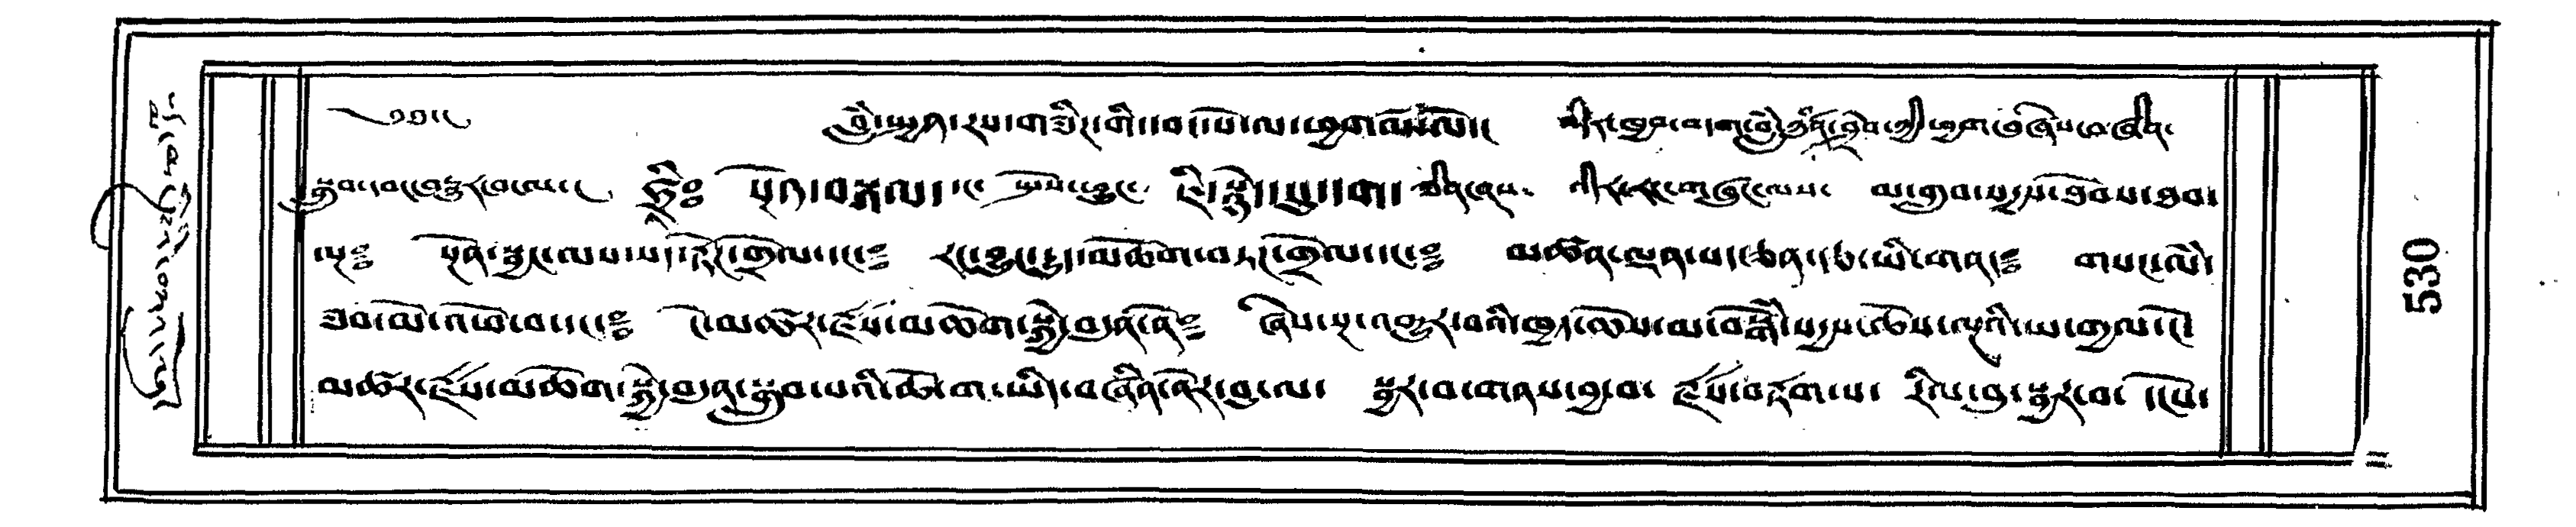བླ་མ་སྤྱན་རས་གཟིགས་ཀྱི་དབང་པོ་ལ་ཕྱག་འཚལ་ལོ། །འདིར་ཁྱབ་བདག་བླ་མ་ཀུན་བཟང་ཤེས་རབ་ཀྱི་ཕྱག་བཞེས་བཞིན་
སྒྲུབ་དབང་སྐུར་བ་ལ། ཧྲཱིཿ སྔོན་བསྐལ་དང་། སྤོས་ཕྱུང་། ཇི་སྙེད་སུ་དག་ཟིན་ནས། འདིར་རང་གཞུང་ལས་མ་སྒྲུབ་སངས་རྒྱས་ཐོབ་ཐབས་
ལྔ༔ སྔོན་སྦྱངས་ལས་སད་རྟོགས་གྲོལ་དང༔ རང་བྱུང་རྒྱུད་མཆོག་བཏགས་གྲོལ་དང༔ མཚན་ལྡན་པད་ཅན་རྩ་ཡི་གནད༔ གསང་ལམ་
ཟབ་མོ་འཕོ་བ་དང༔ ངོ་མཚར་རྫས་མཆོག་སྐྱེ་བདུན་ནོ༔ ཞེས་སྔ་འགྱུར་བའི་ཁྱད་ཆོས་མ་བསྒོམས་སངས་རྒྱས་ཆོས་ལྔའི་ཡ་གྱལ་ངོ་
མཚར་རྫས་མཆོག་སྐྱེ་བདུན་སྒྲུབ་པའི་ཆོ་ག་ཡིད་བཞིན་ནོར་བུ་ལ། སྦྱོར་བ་གནས་བྱ་བ། རྫས་བརྟག་པ། རིལ་བུ་སྦྱོར་བ། དངོས་